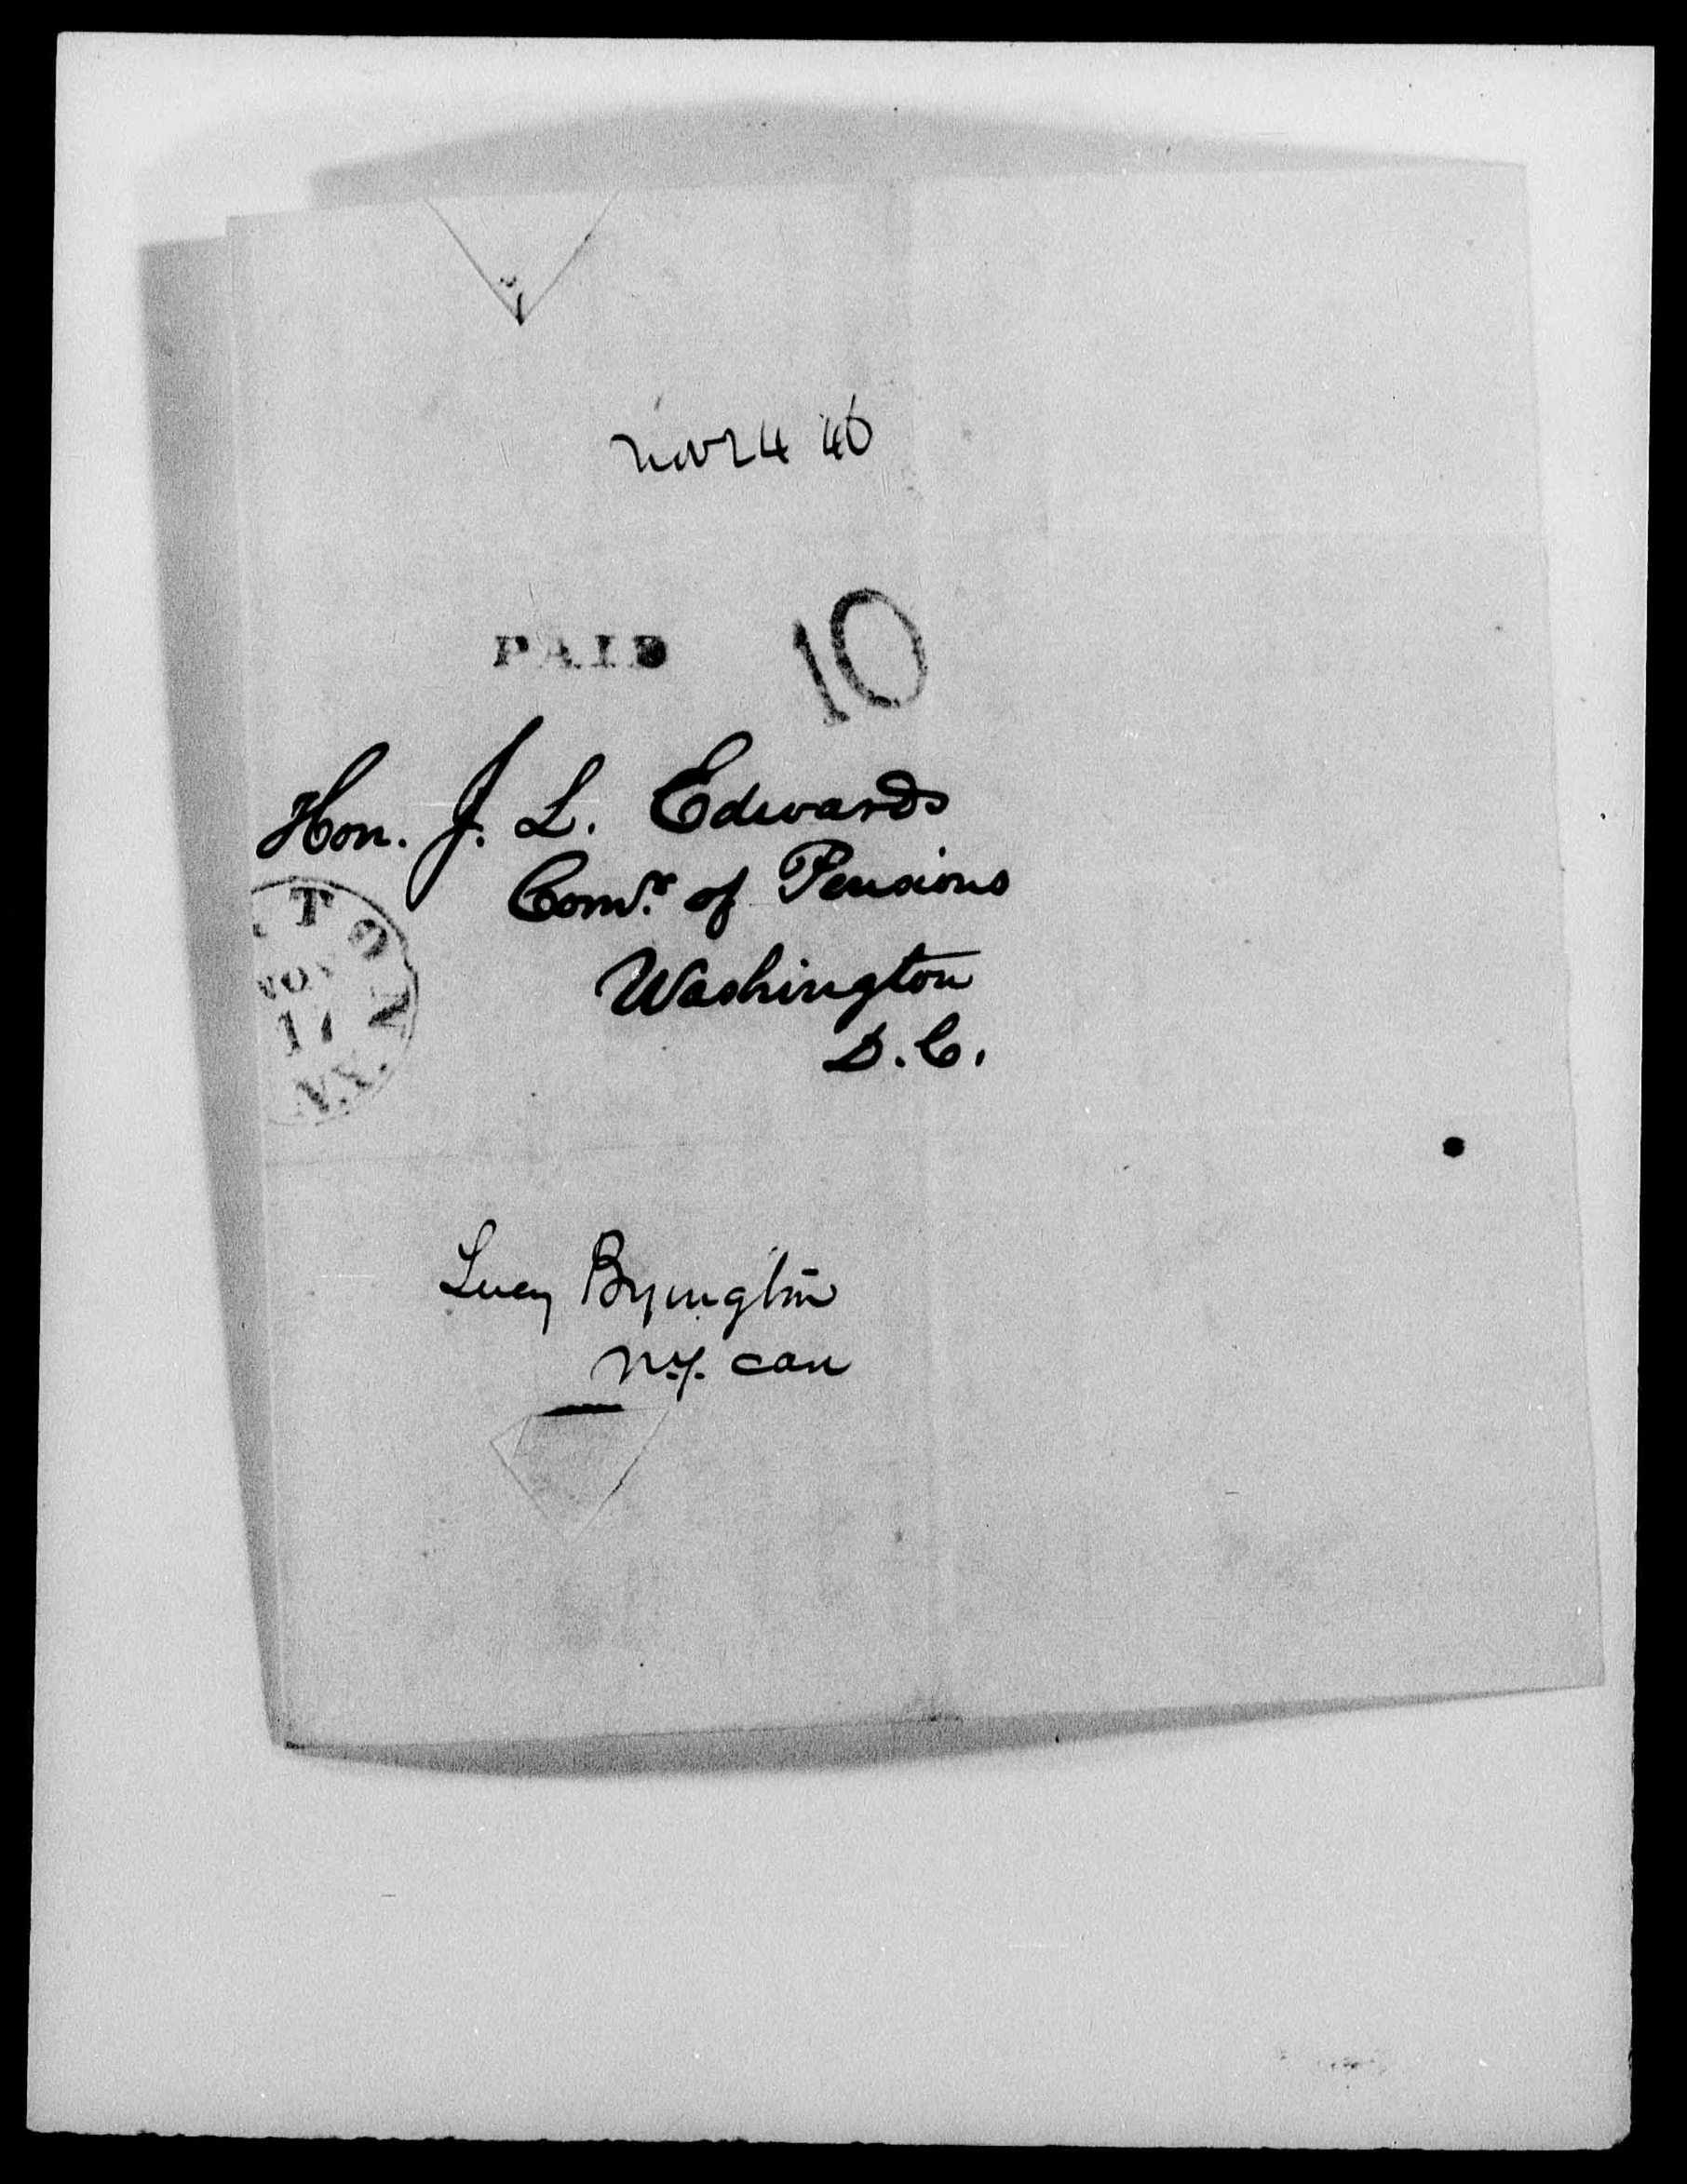PAID 10

Hon J.L. Edwards
Com. of Pensions
Washington D.C.

Lucy Byington
N.Y. Can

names: Lucy Byington, J L Edwards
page: 36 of 79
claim: widow's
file: W. 23754, Justus Byington, Conn.